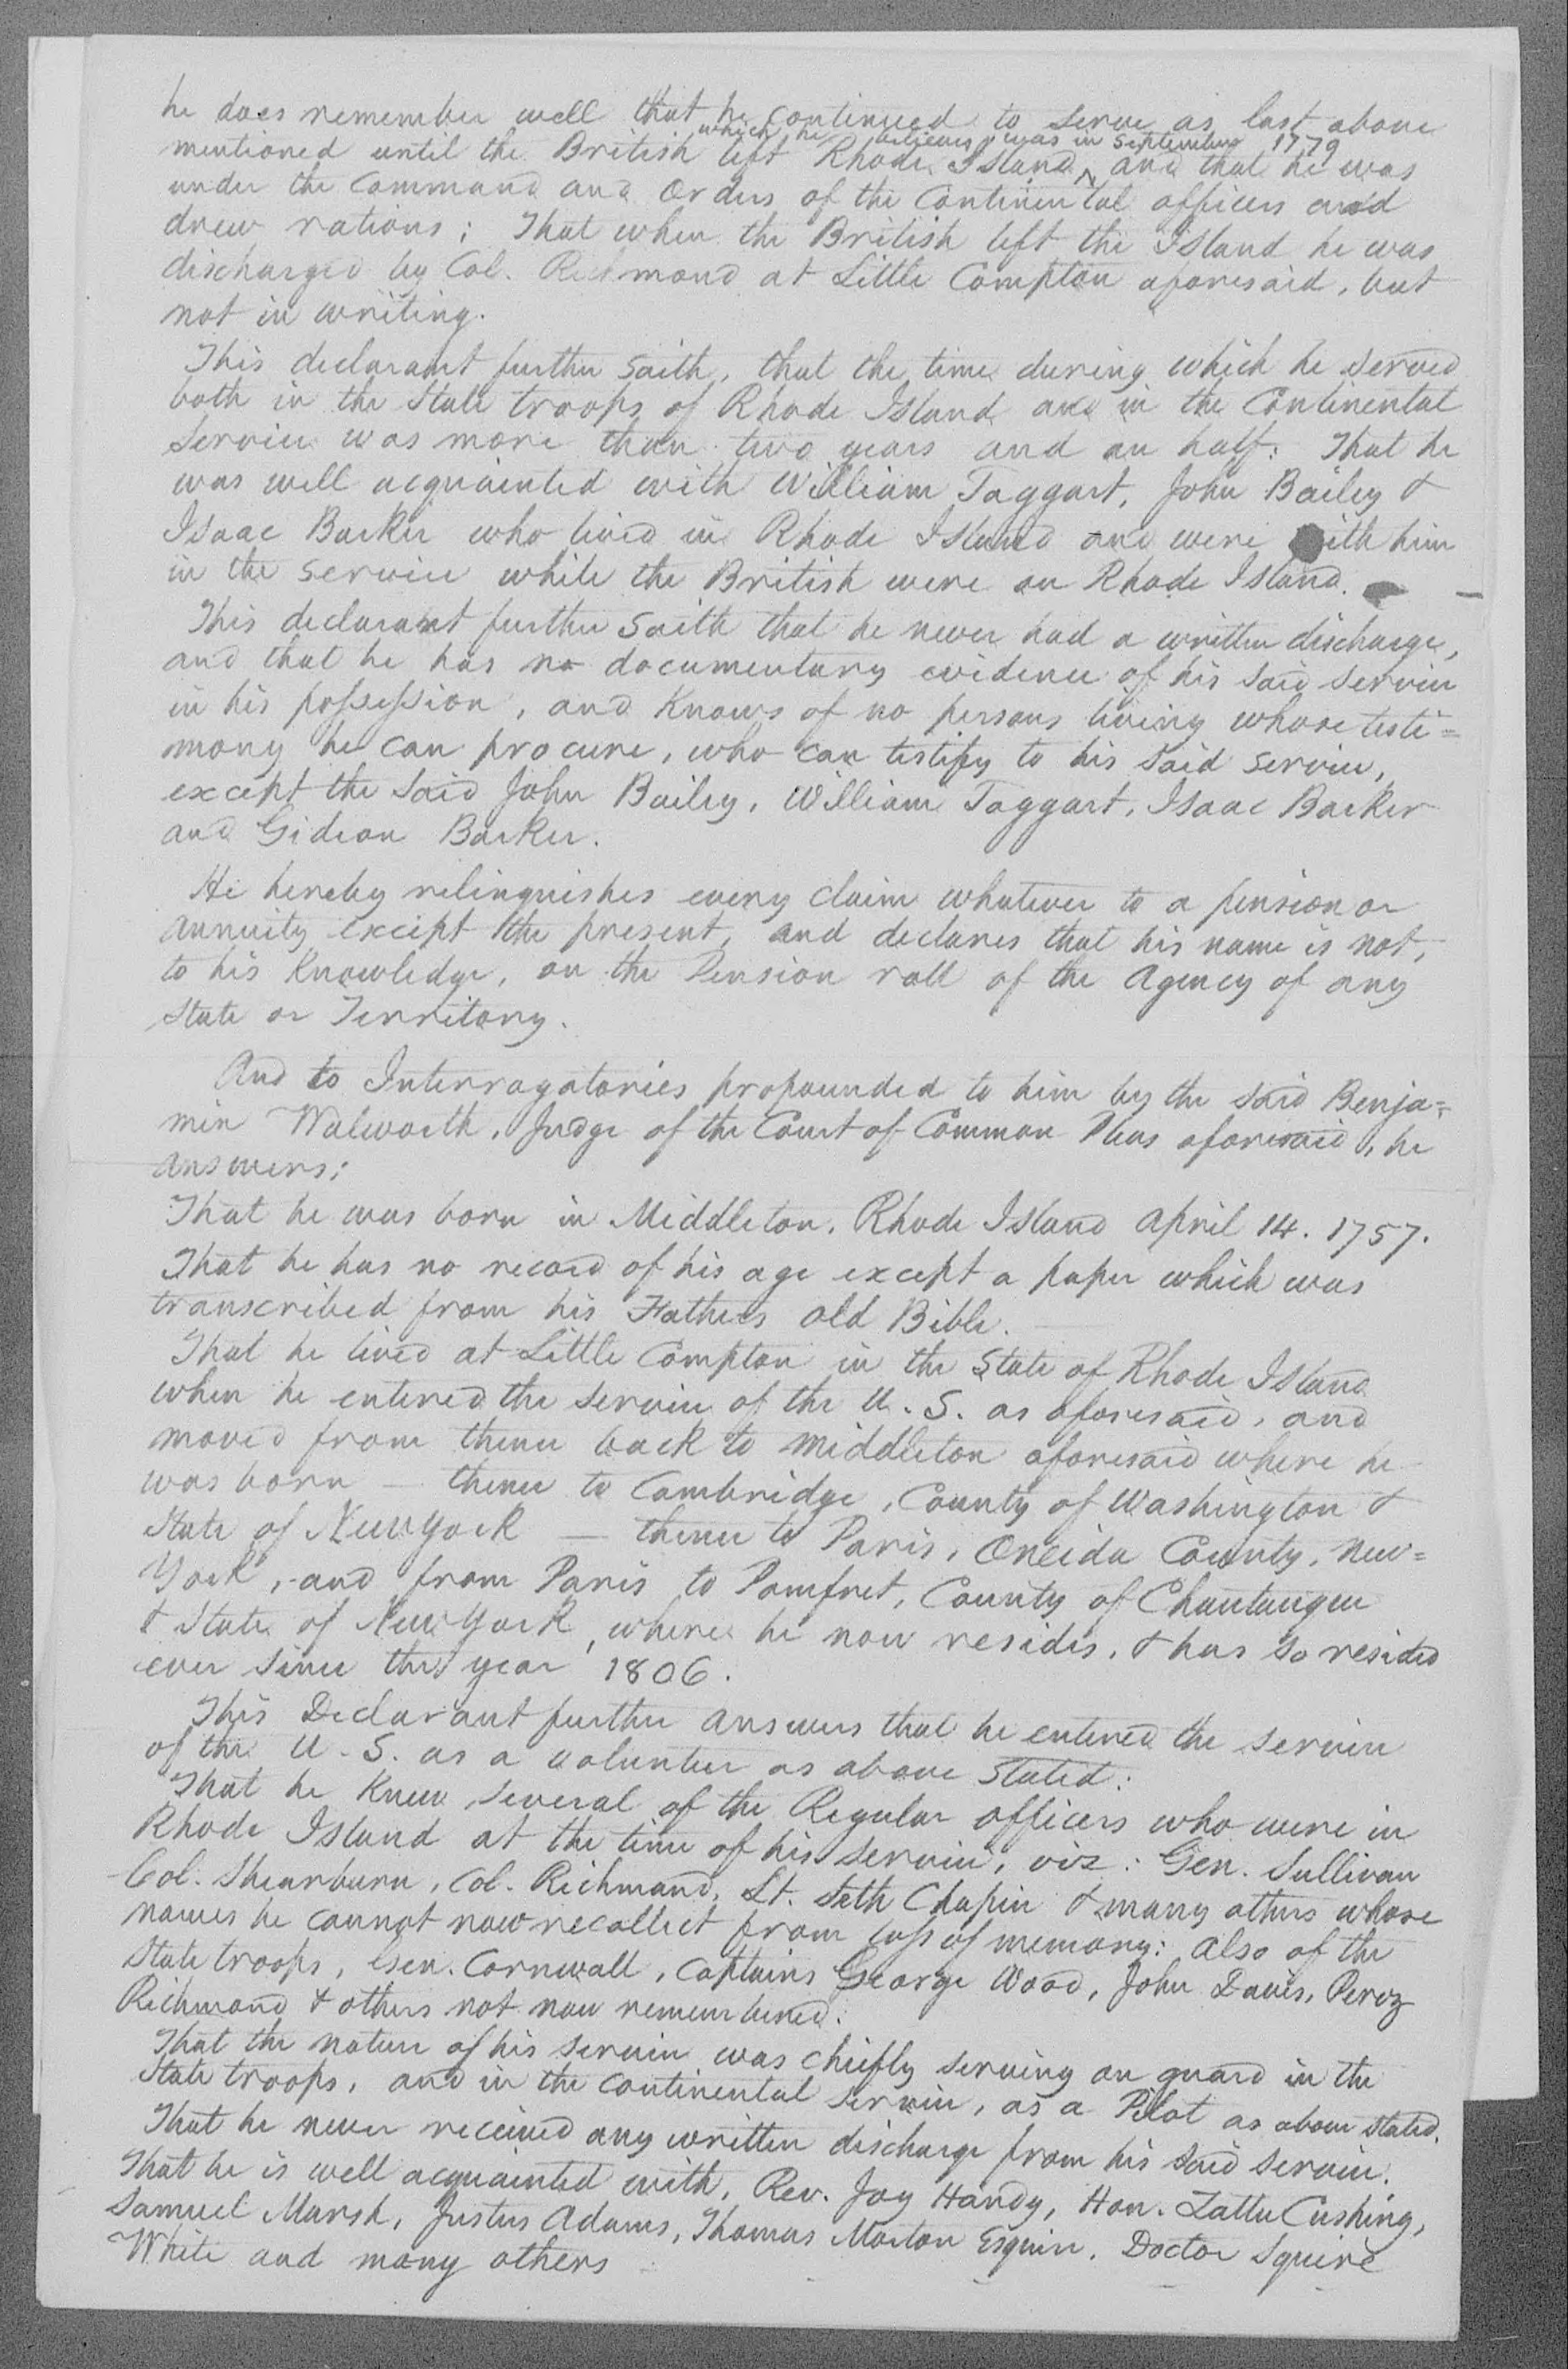He does remember well that he continued to serve as last above mentioned until the British left Rhode Island which he believes was in September 1779 and that he was under the command and orders of the Continental officers and drew rations; That when the British left the Island he was discharged by Col. Richmond at Little Compton aforesaid, but not in writing.
This declarant further saith, that the time during which he served both in the State troops of Rhode Island and in the Continental Services was more than two years and an half.  That he was well acquainted with William Taggart, John Bailey & Isaac Barker who lived in Rhode Island and were with him in the service while the British were on Rhode Island.
This declarant further saith that he never had a written discharge, and that he has no documentary evidence of his said service in his possession, and knows of no persons living whose testimony he can procure, who can testify to his said service, except the said John Bailey, William Taggart, Isaac Barker and Gideon Barker.
He hereby relinquishes every claim whatever to a pension or annuity except the present, and declares that his name is not, to his knowledge, on the pension roll of the agency of any state or territory.
And to Interrogatories propounded to him by the said Benjamin Walworth, Judge of the Court of Common Pleas aforesaid, he answers:
That he was born in Middleton, Rhode Island April 14, 1757.
That he has no record of his age except a paper which was transcribed from his Father’s old Bible.
That he lived at Little Compton in the State of Rhode Island when he entered the service of the U. S. as aforesaid, and moved from thence back to Middleton aforesaid where he was born – thence to Cambridge, County of Washington & State of New York – thence to Paris, Oneida County, New York, and from Paris to Pomfret, County of Chautauqua & State of New York, whence he now resides & has so resided ever since the year 1806.
This declarant further answers that he entered the service of the U. S. as a volunteer as above stated:
That he knew several of the Regular officers who were in Rhode Island at the time of his service. Viz: Gen. Sulivan Col. Shearburn, Col. Richmond, Lt. Seth Chapin & many others whose names he cannot now recall it from loss of memory: Also of the State troops, Gen. Cornwall, Captains George Wood, John Davis, Perez Richmond & others not now remembered.
That the nature of his service was chiefly serving on guard in the State troops, and in the Continental service, as a Pilot as above stated.
That he never received any written discharge from his said service”
That he is well acquainted with Rev. Jay Handy, Hon. Lattu Cushing, Samuel Marsh, Justus Adams, Thomas Morton Esquire, Doctor Squire White and many others.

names: John Bailey, Isaac Barker, Lattie Cushing, Shearburn, Seth Chapin, John Davis, Richmond, Cornwall, Squire White, John Bailey, Richmond, Samuel Marsh, Joy Handy, William Taggart, William Taggart, Isaac Barker, Benjamin Walworth, Sullivan, Perez Richmond, Justus Adams, Gideon Barker, Thomas Morton, George Wood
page: 16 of 52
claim: widow's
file: W. 18,565, Hezekiah Barker, Continental R.I.